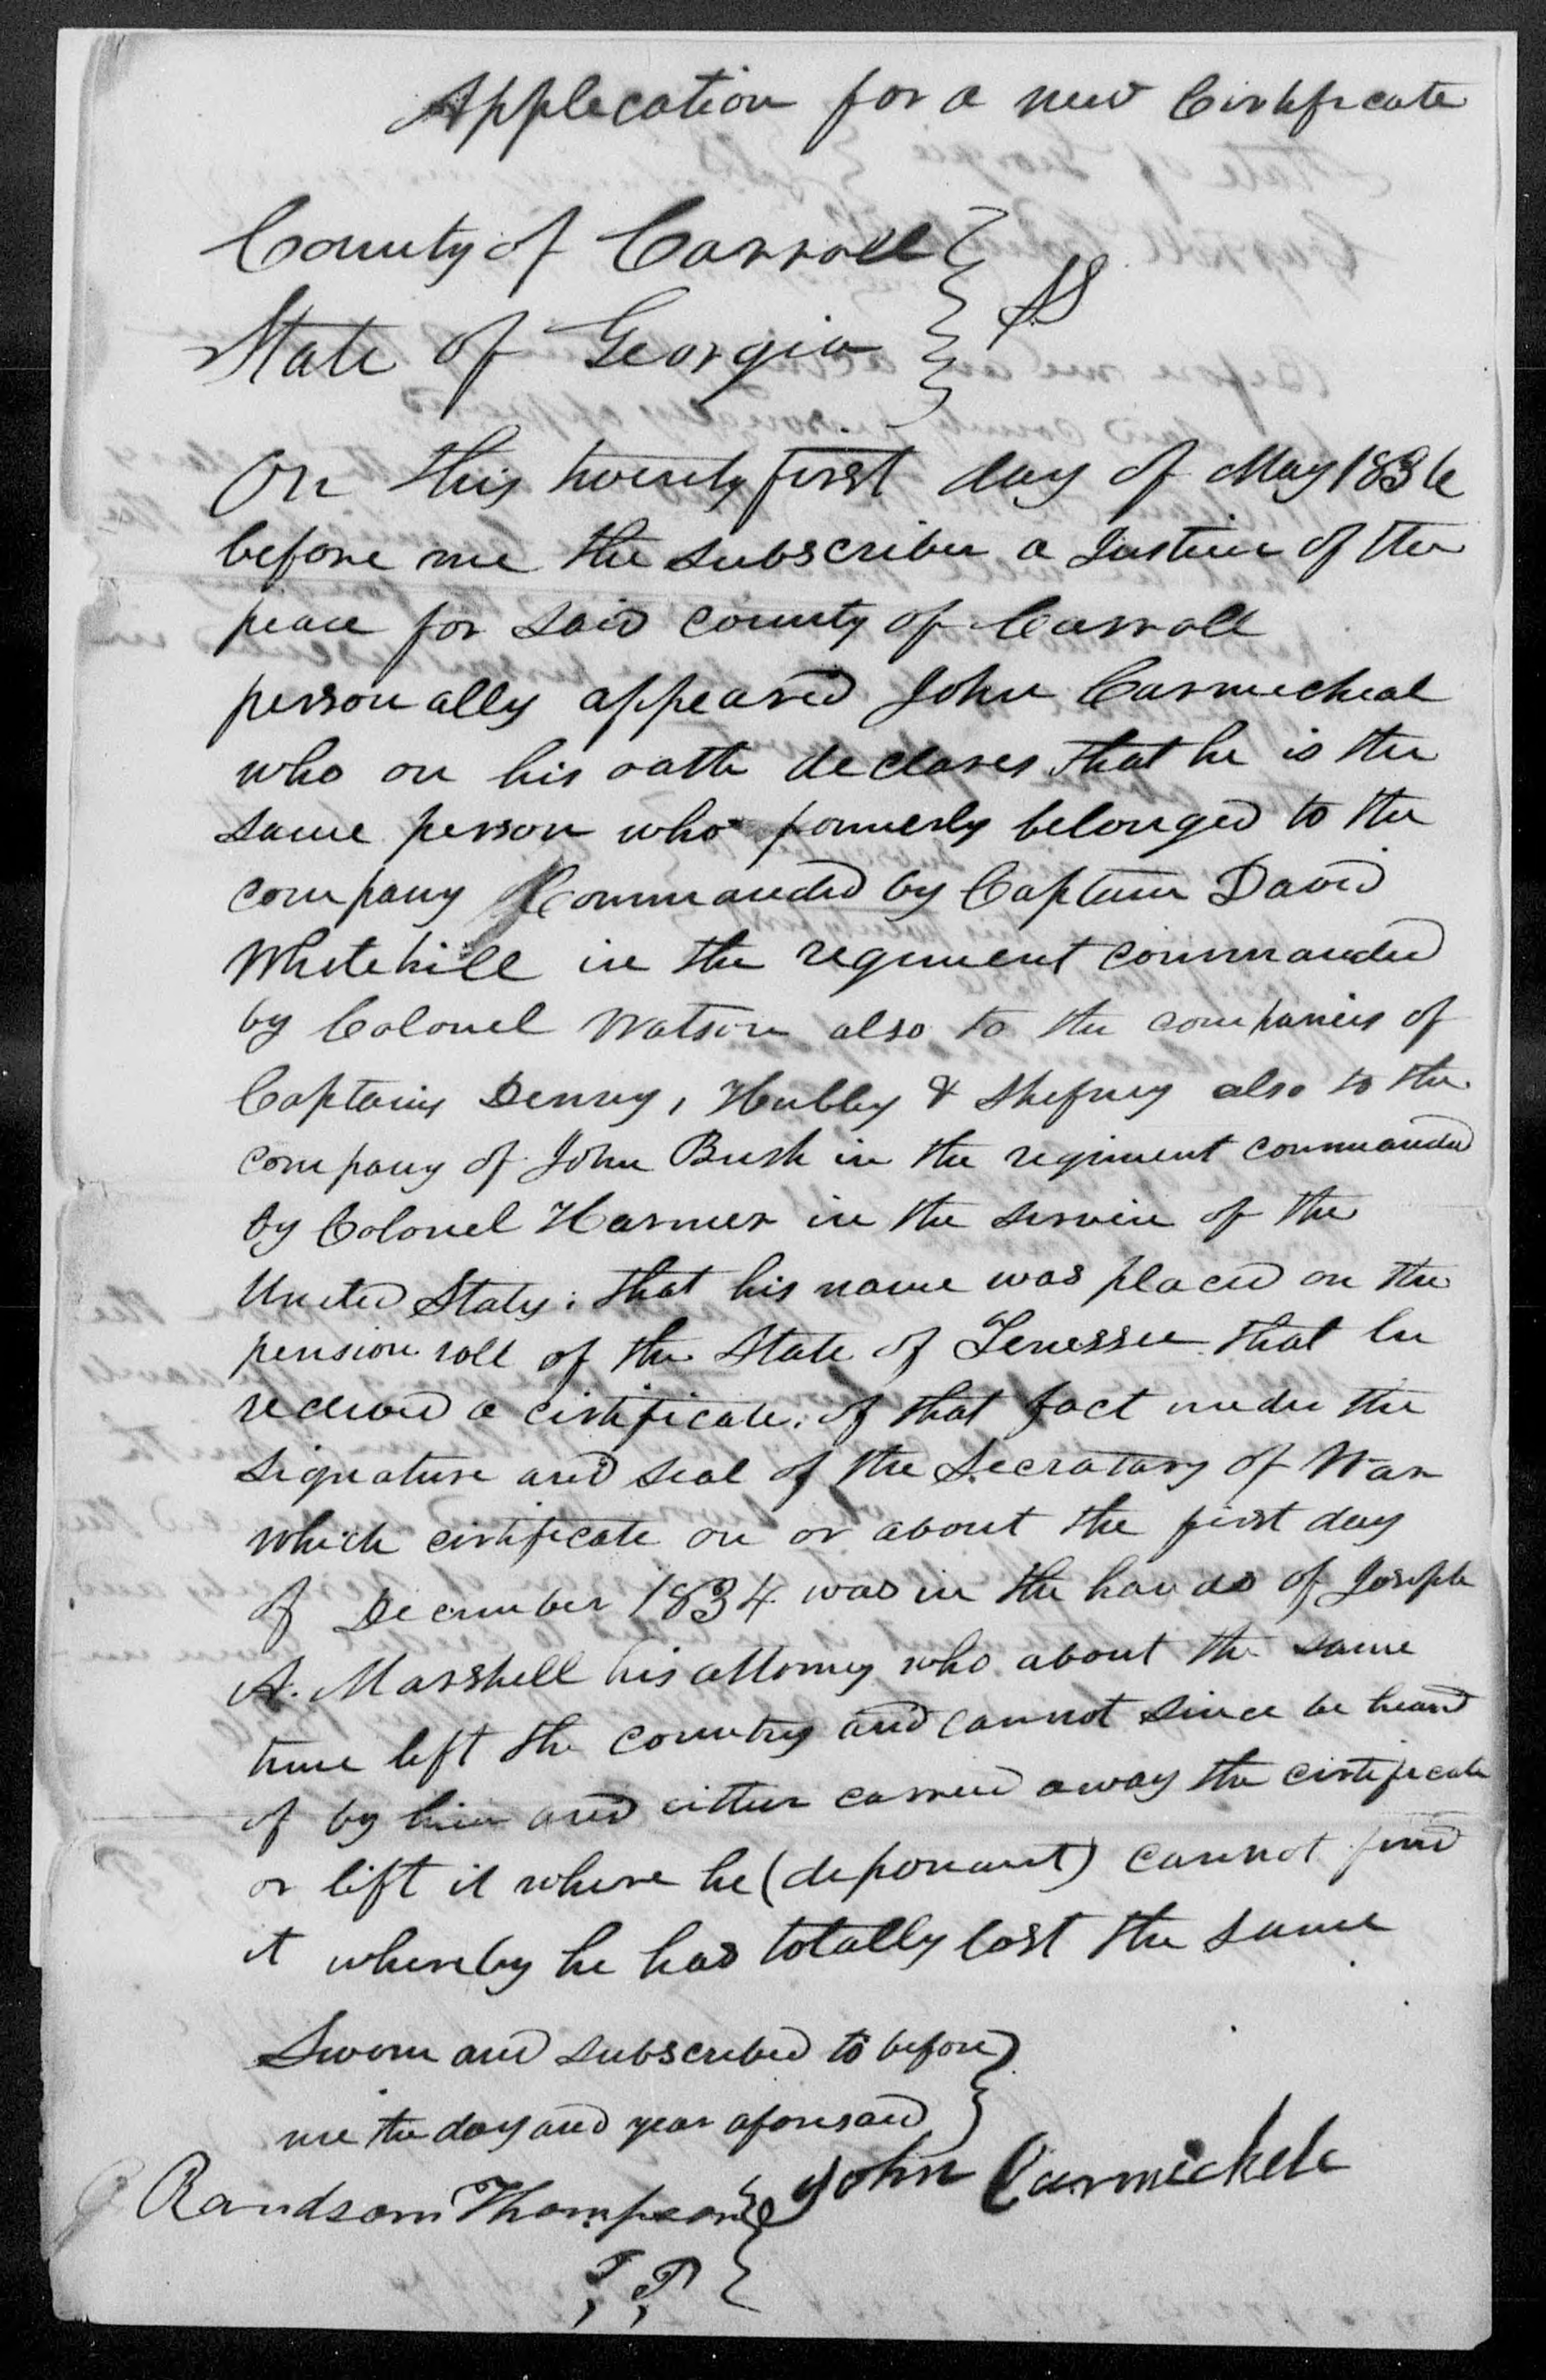Application for a new Certificate

County of Carroll
State of Georgia SS

On this twenty first day of May 1836 before me the Subscriber a Justice of the peace for said county of Carroll personally appeared John Carmichael[sp] who on his oath declares that he is the same person who formerly belonged to the company Commanded by Captain David Whitehall in the regiment commanded by Colonel Watson also to the companies of Captains Henry, Hubley & Shefney also to the company of John Bush in the regiment commanded by Colonel Harmer in the service of the United States; that his name was placed on the pension roll of the State of Tenessee[sp] that he received a certificate of that fact under the Signature and Seal of the Secratary[sp] of War Which certificate on or about the first day of December 1834 was in the hands of Joseph A. Marshell[sp] his attorney who about the same time left the country and cannot since be heard of by him and either carried away the certificate or lift[sp] it where he (deponant)[sp] cannot find it whereby he has totally lost the Same

John Carmickele

Sworn and subscribed to before
Me the day and year aforesaid}
Random Thompson 
JP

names: Hubley, Denny, Harmer, Watson, John Carmickele, Joseph A Marshell, John Carmicheal, John Bush, Shefney, David Whitehill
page: 22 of 42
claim: survivor's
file: S. 31,595, John Carmickele, Penn.